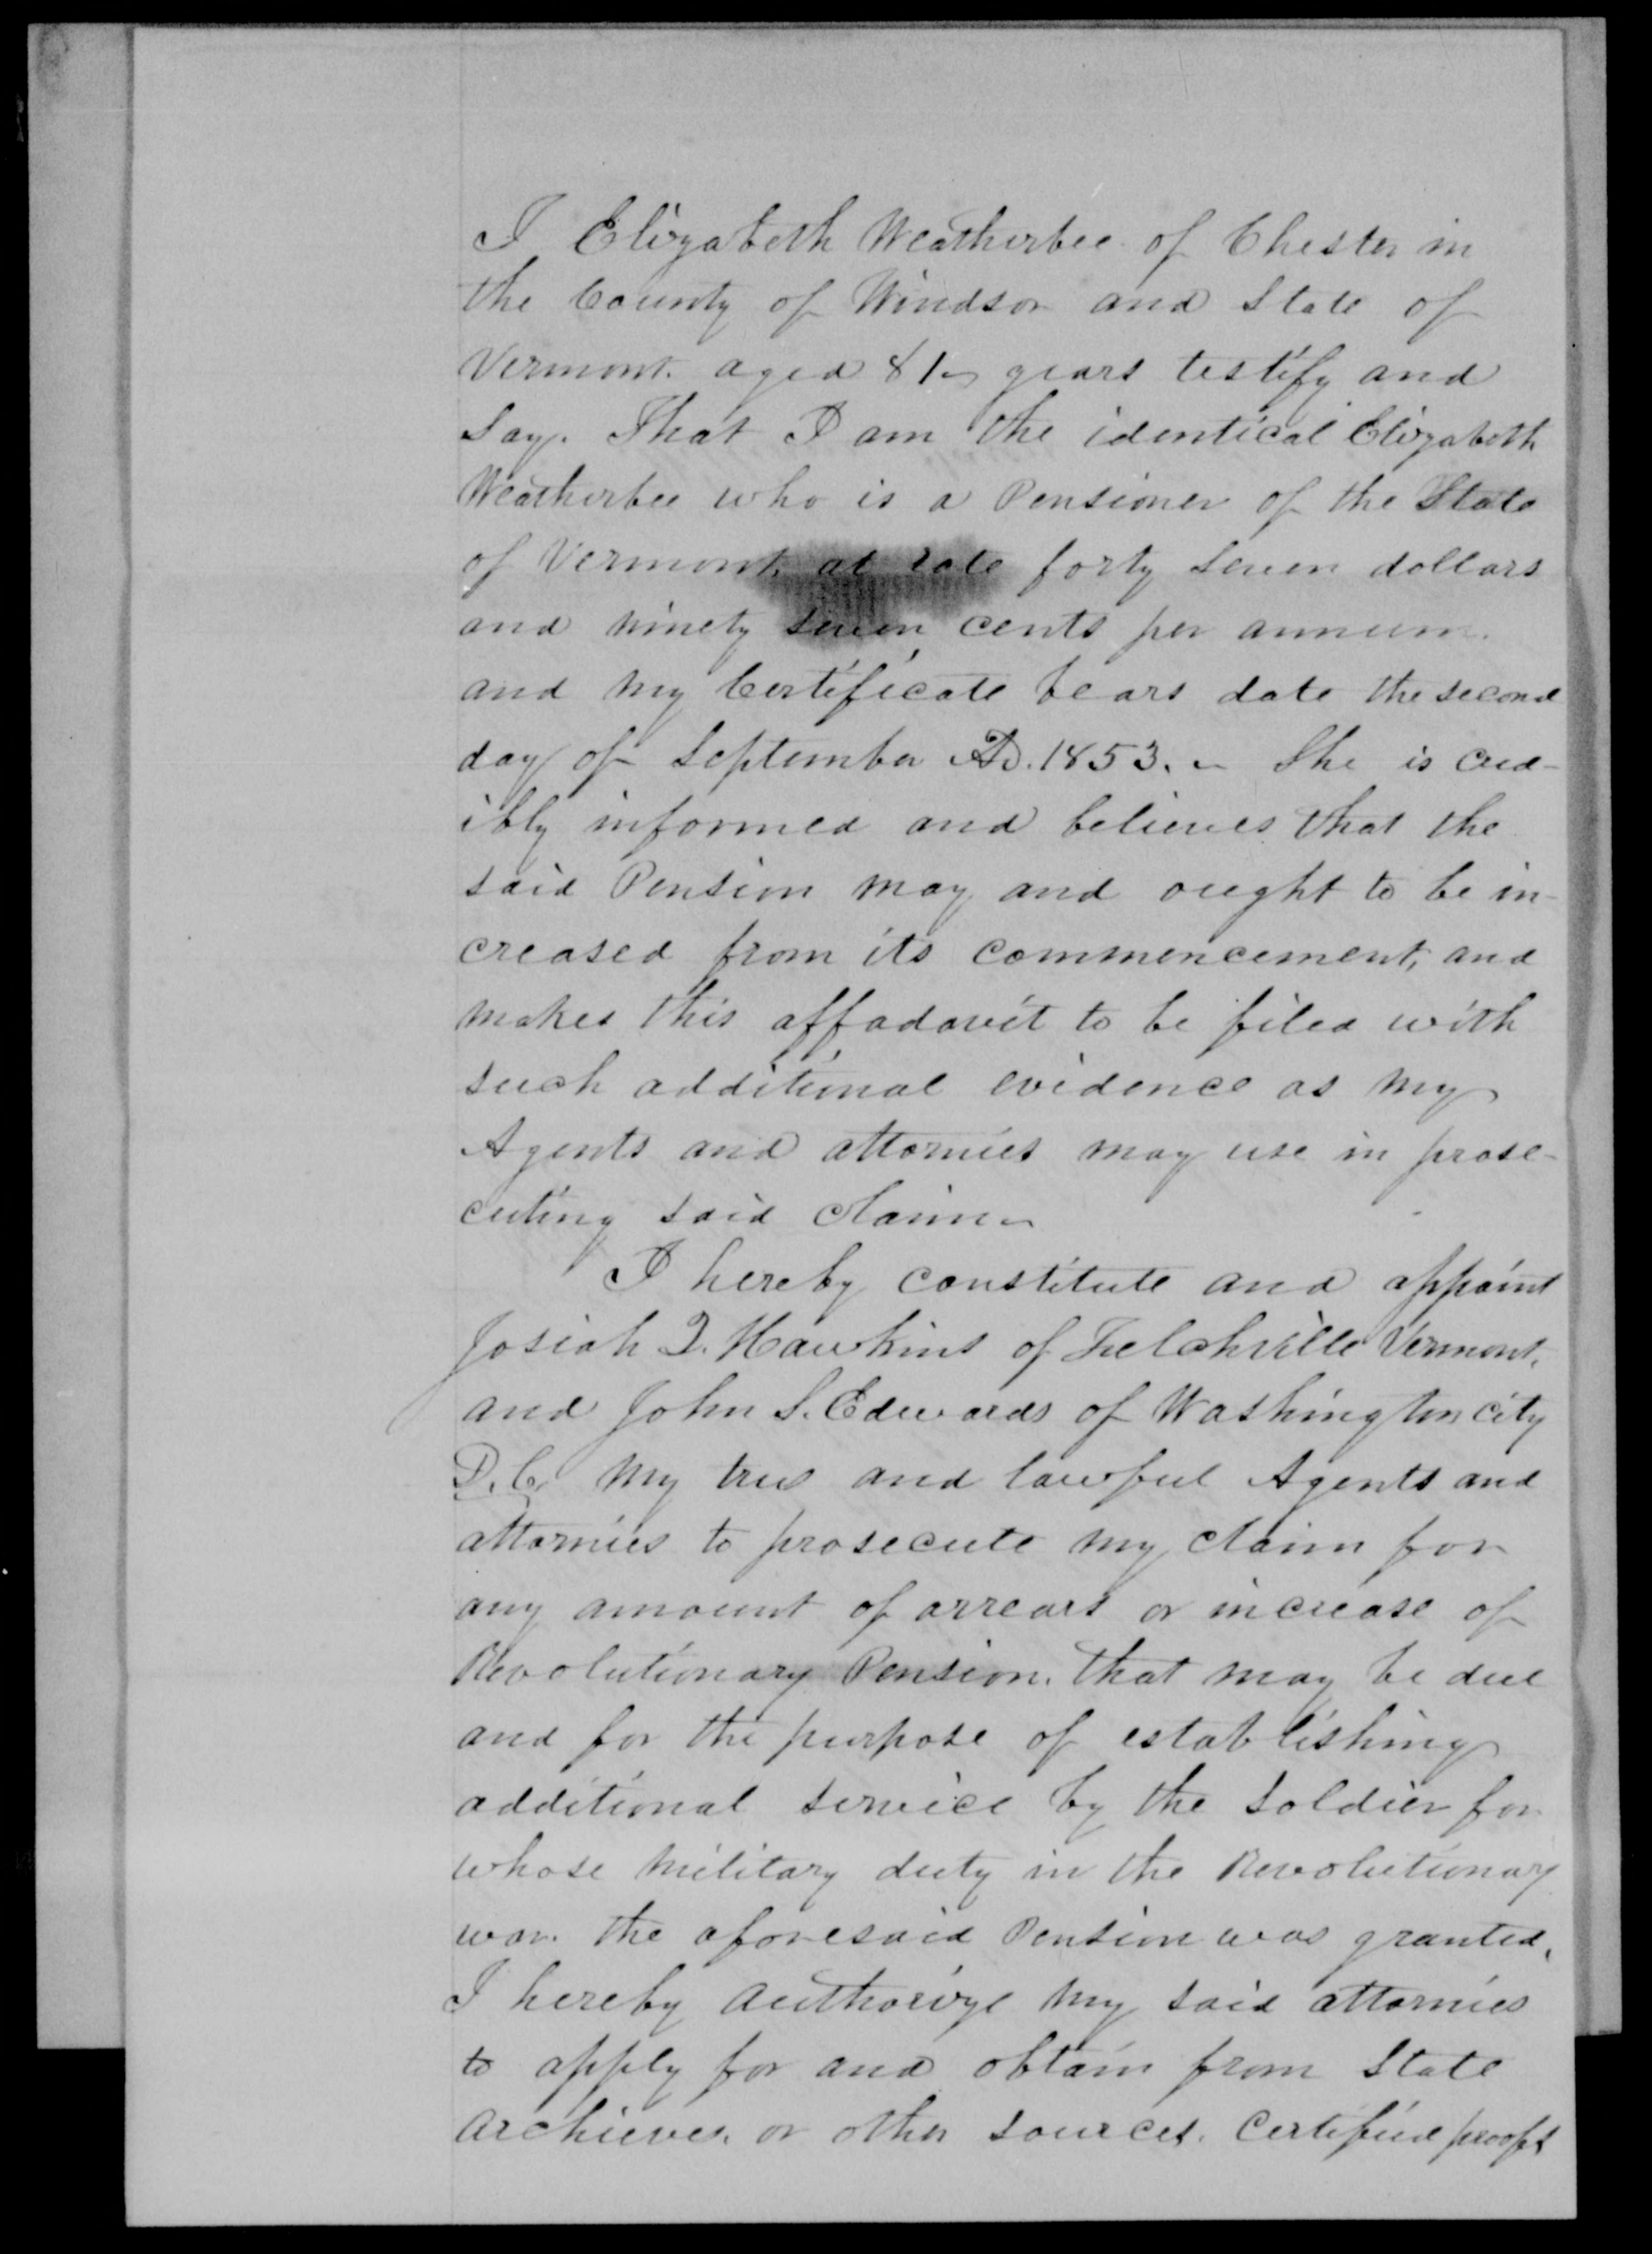I Elizabeth Weatherbee of Chester in the County of Windsor and State of Vermont, aged 81 years testify and say that I am the identical Elizabeth Weatherbee who is a pensioner of the State of Vermont at rate forty seven dollars and ninety seven cents per annum and my certificate bears date the second day of September AD. 1853. She is credibly informed and believes that the said pension may and ought to be increased from its commencement, and wishes this affadavit to be filed with such additional evidence as my Agents and attornies may use in prosecuting said claim.
I hereby constitute and appoint Joseah Q. Hawkins of Felchville Vermont, and John S. Edwards of Washington City D. C. my true and lawful Agents and attornies to prosecute my claim for any amount of arrears or increase of Revolutionary Pension that may be due and for the purpose of establishing additional service by the soldier for whose military duty in the Revolutionary War the aforesaid pension was granted, I hereby authorize my said attornies to apply for and obtain from State archives or other sources certified proofs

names: Elizabeth Weatherbee, Josiah Q Hawkins, John S Edwards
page: 29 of 66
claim: widow's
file: W. 2468, Amos Wetherbee, Mass.